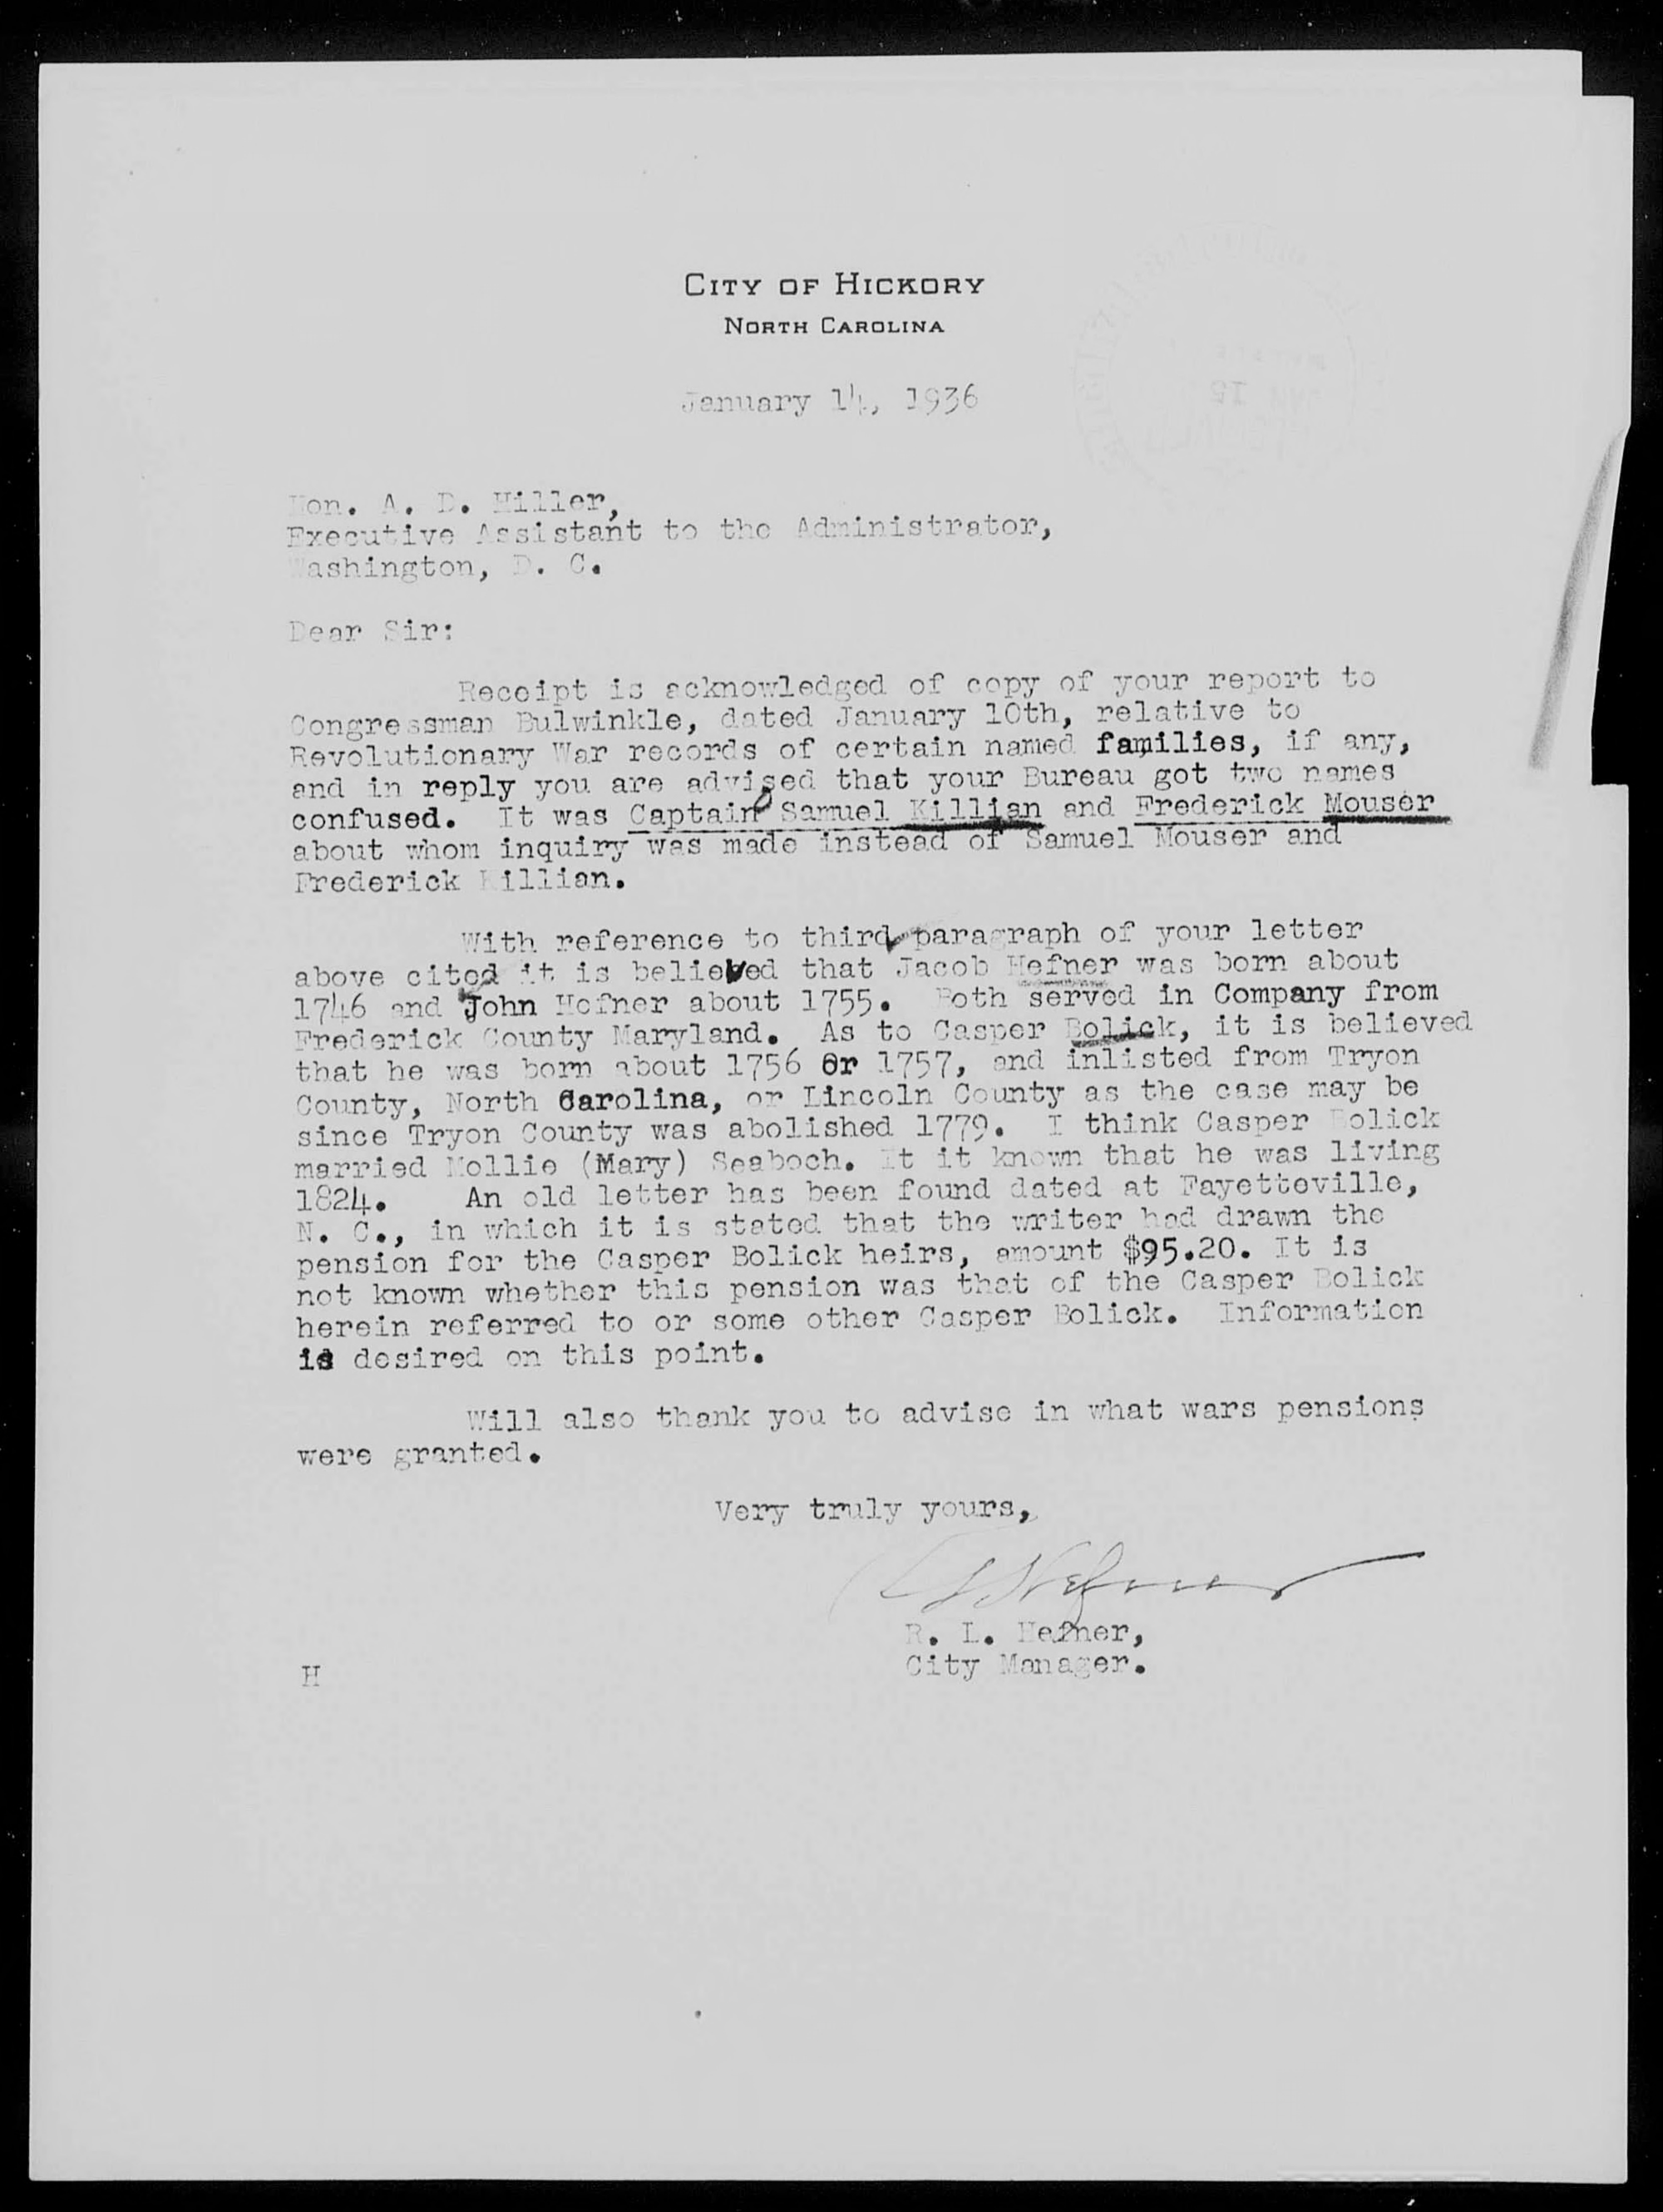CITY OF HICKORY
NORTH CAROLINA

January 15, 1936

Hon. A. D. Hiller
Executive Assistant to the Administrator,
Washington, D. C.

Dear Sir:

Receipt is acknowledged of copy of your report to Congressman Bulwinkle, dated January 10th, relative to Revolutionary War records of certain named families, if any,
and in reply you are advised that your Bureau got two names confused. It was Captain Samuel Killian and Frederick Mouser about whom inquiry was made instead of Samuel Mouser and Frederick Lillian. With reference to third paragraph of your letter above cited it is believed that Jacob Hefner was born about
1746 and John Hofner about 1755. Both served in Company from Frederick County Maryland. As to Casper Bolick, it is believed that he was born about 1756 or 1757, and inlisted from Tryon County, North Carolina, or Lincoln County as the case may be since Tryon County was abolished 1779. I think Casper Bolick
married Mollie ( Mary ) Seaboch, it it known that he was living 1824. An old letter has been found dated at Fayetteville, N.C., in which it is stated that the writer had drawn the pension for the Casper Bolick heirs, amount $95.20. It is
not known whether this pension was that of the Casper Bolick herein referred to or some other Casper Bolick. Information is desired on this point. Will also thank you to advise in what wars pensions were granted.
Very truly yours,
[Signature]
R. L. Hefner,
City Manager.

H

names: Samuel Killian, Casper Bolick, Casper Bolick, Mollie Seaboch, Casper Bolick, R L Hefner, Casper Bolick, Jacob Hefner, Frederick Mouser, Samuel Mouser, A D Hiller, Casper Bolick, John Hefner, R L Hefner, Mary Seaboch, Frederick Lillian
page: 39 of 43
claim: widow's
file: W. 18,566, Casper Bolick, N.C.